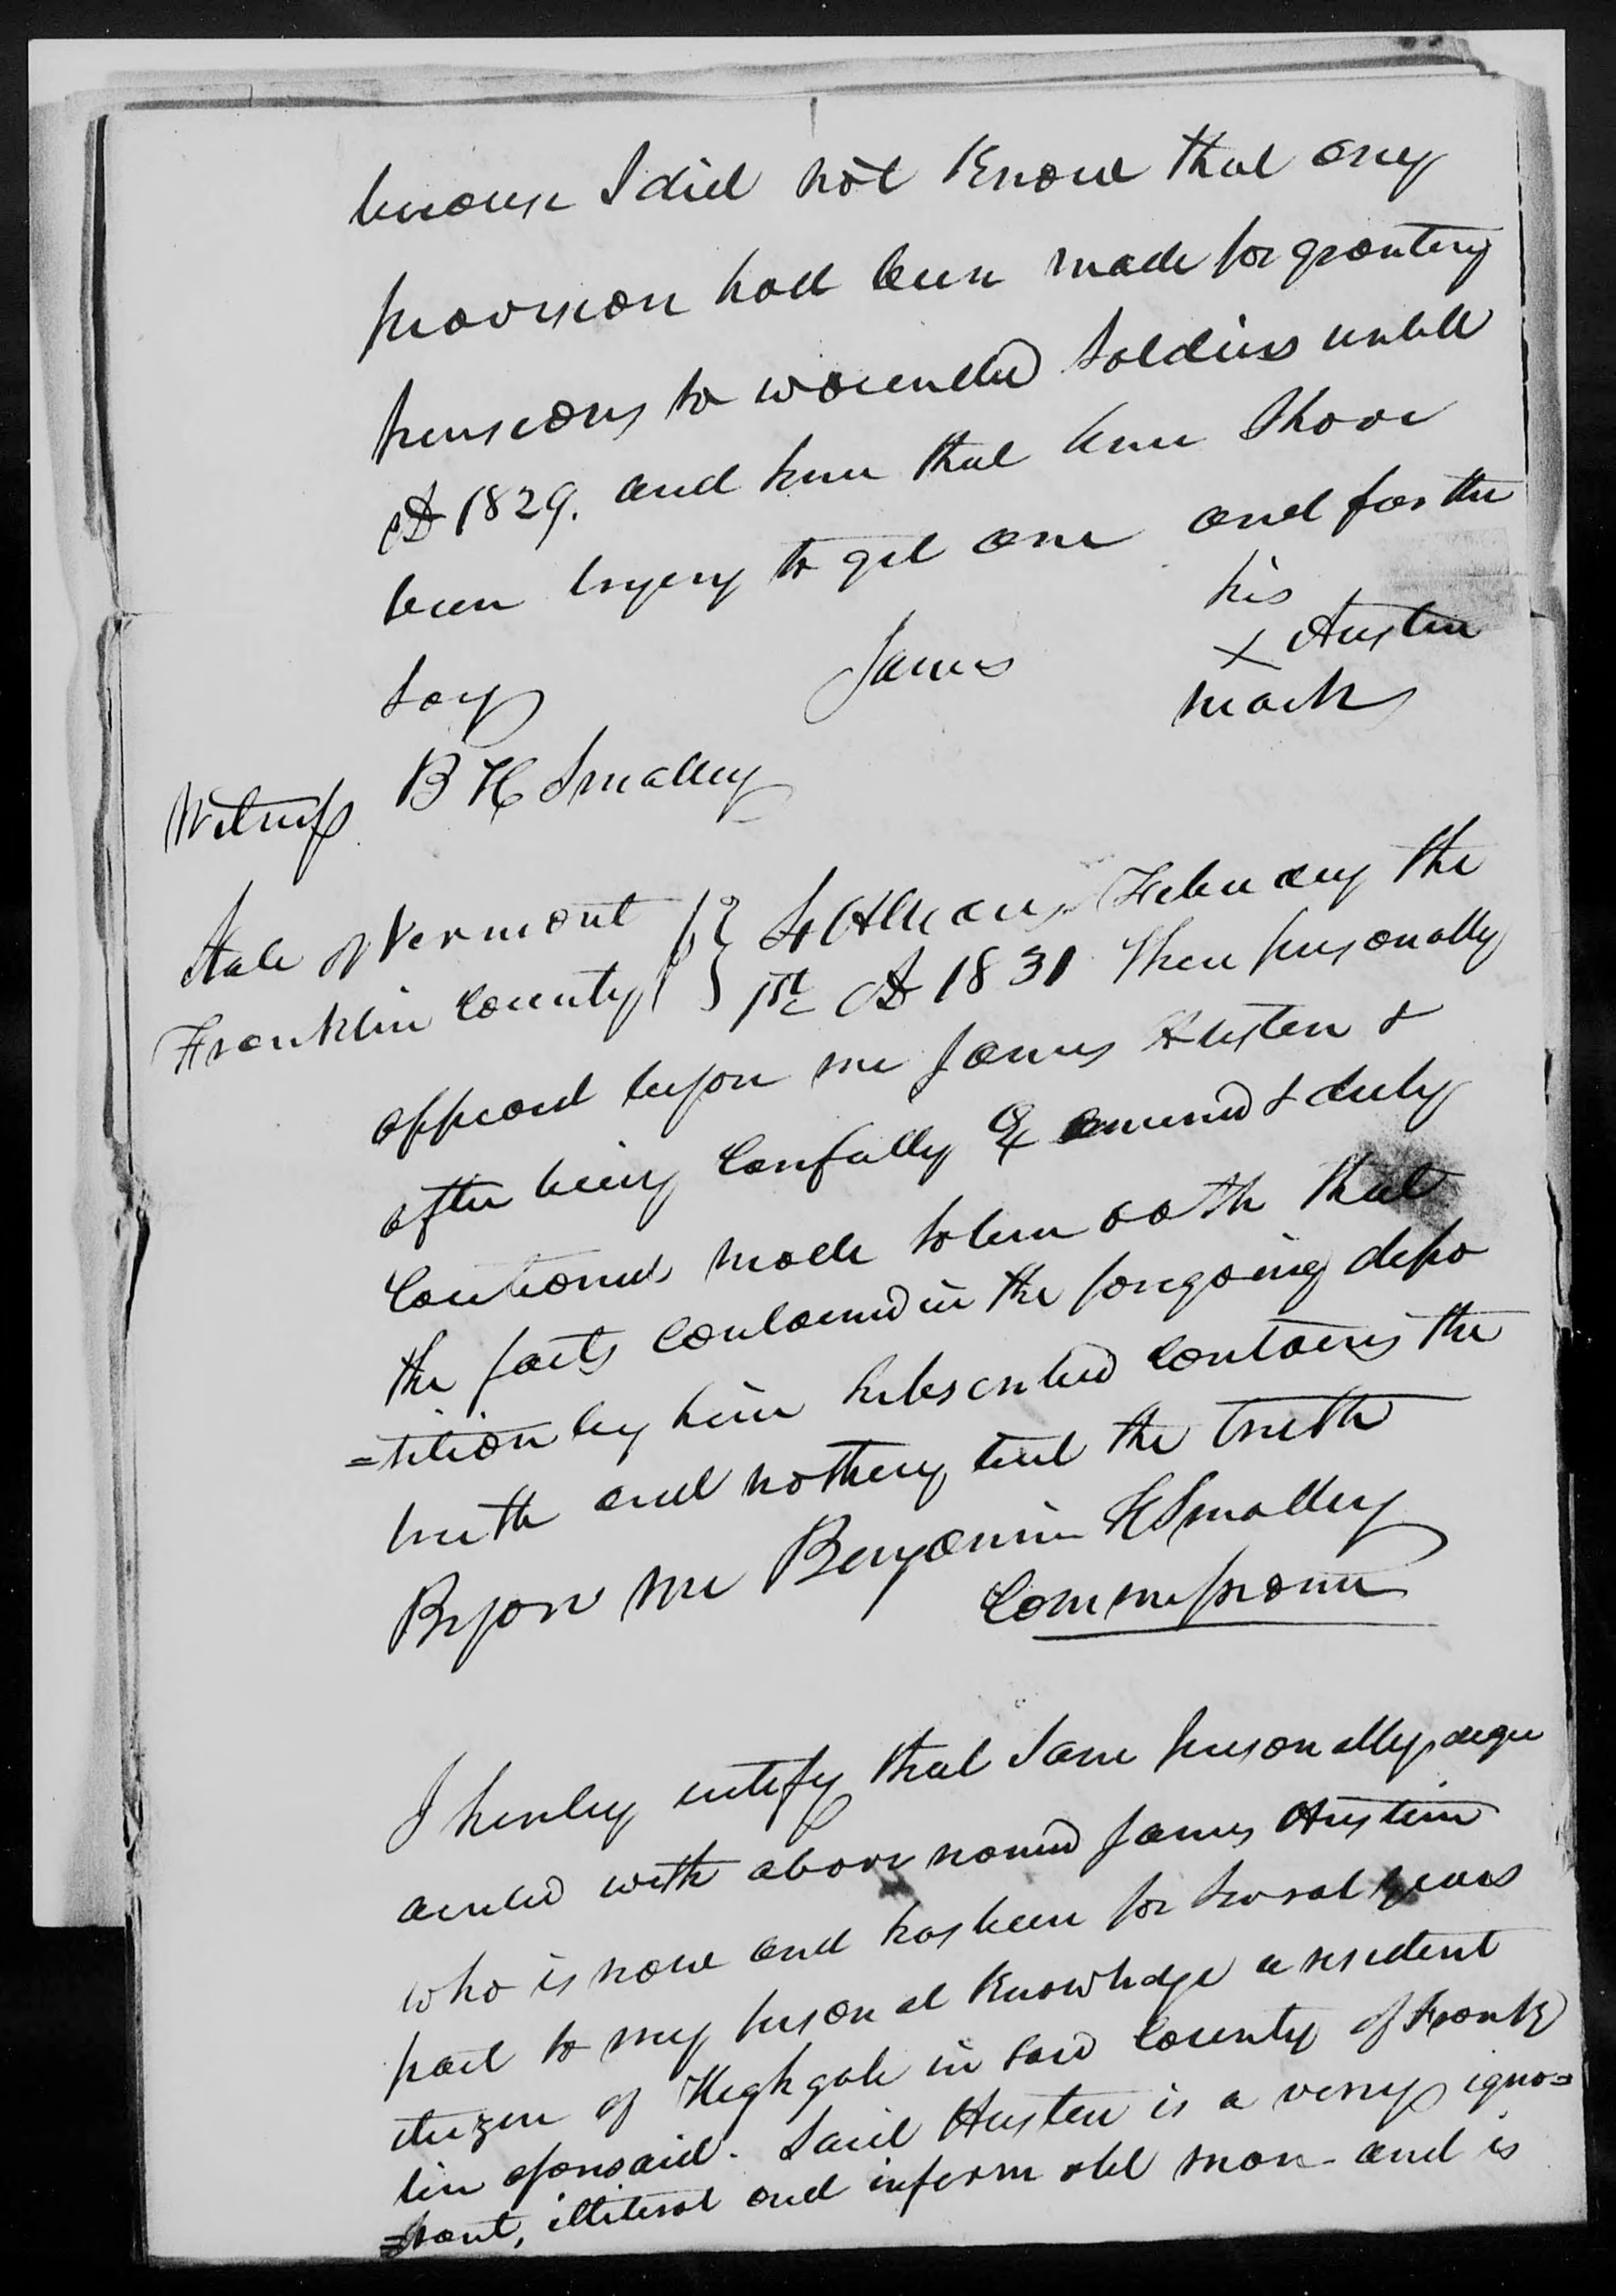because I did not know that any provision had been made for granting pensions to wounded soldiers untill [sic] AD 1829, and [illegible] that here I have been trying to get one and further say
James his mark Austin
Witness B H Smalley

State of Vermont   } St Albans February 
Franklin County ss } the 1st AD 1831 Then personally appeared before me James Austin & after being carefully examined & duly cautioned, made solemn oath that the facts contained in the foregoing deposition by him subscribed contains the truth and nothing but the truth
Before me Benjamin H Smalley Commissioner [underscore]

I hereby certify that I am personally acquainted with above named James Austin who is now and has been for several years has to my personal knowledge a resident citizen of Highgate in said County of Franklin aforesaid. Said Austin is a very ignorant, illiterat [sic] and infirm old man and is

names: James Austin, James Austin, Benjamin H Smalley, B H Smalley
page: 63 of 100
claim: survivor's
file: S 19186, James Austin, Conn. New York R.I.